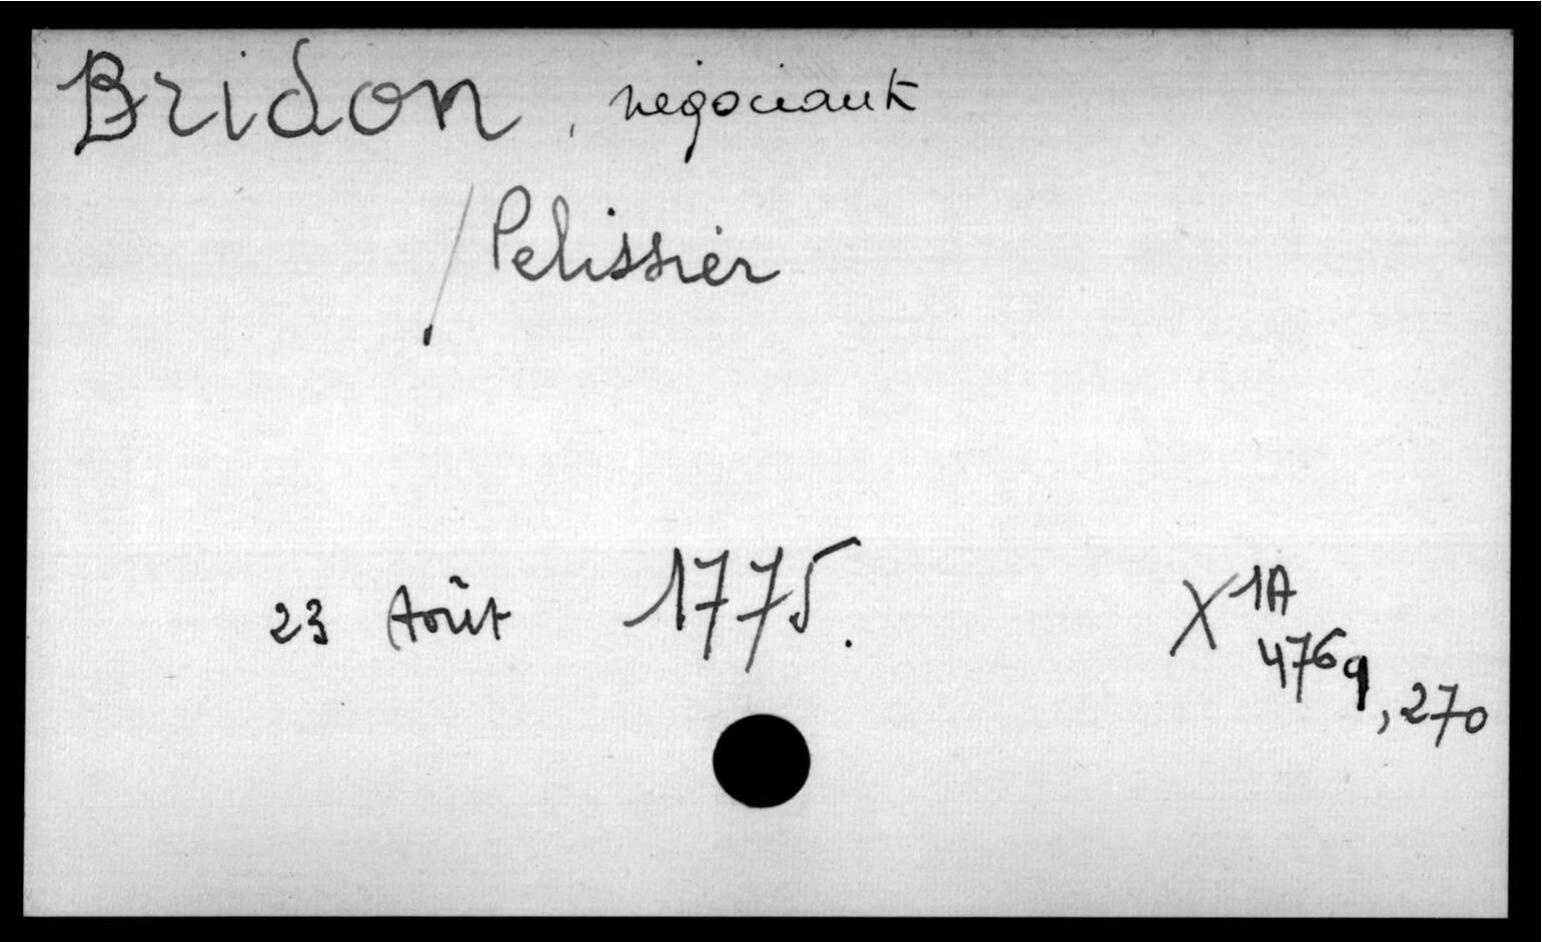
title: BRIDON, négociant
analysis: Contre Pelissier
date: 23 août 1775
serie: X1A
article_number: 4769
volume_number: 270
